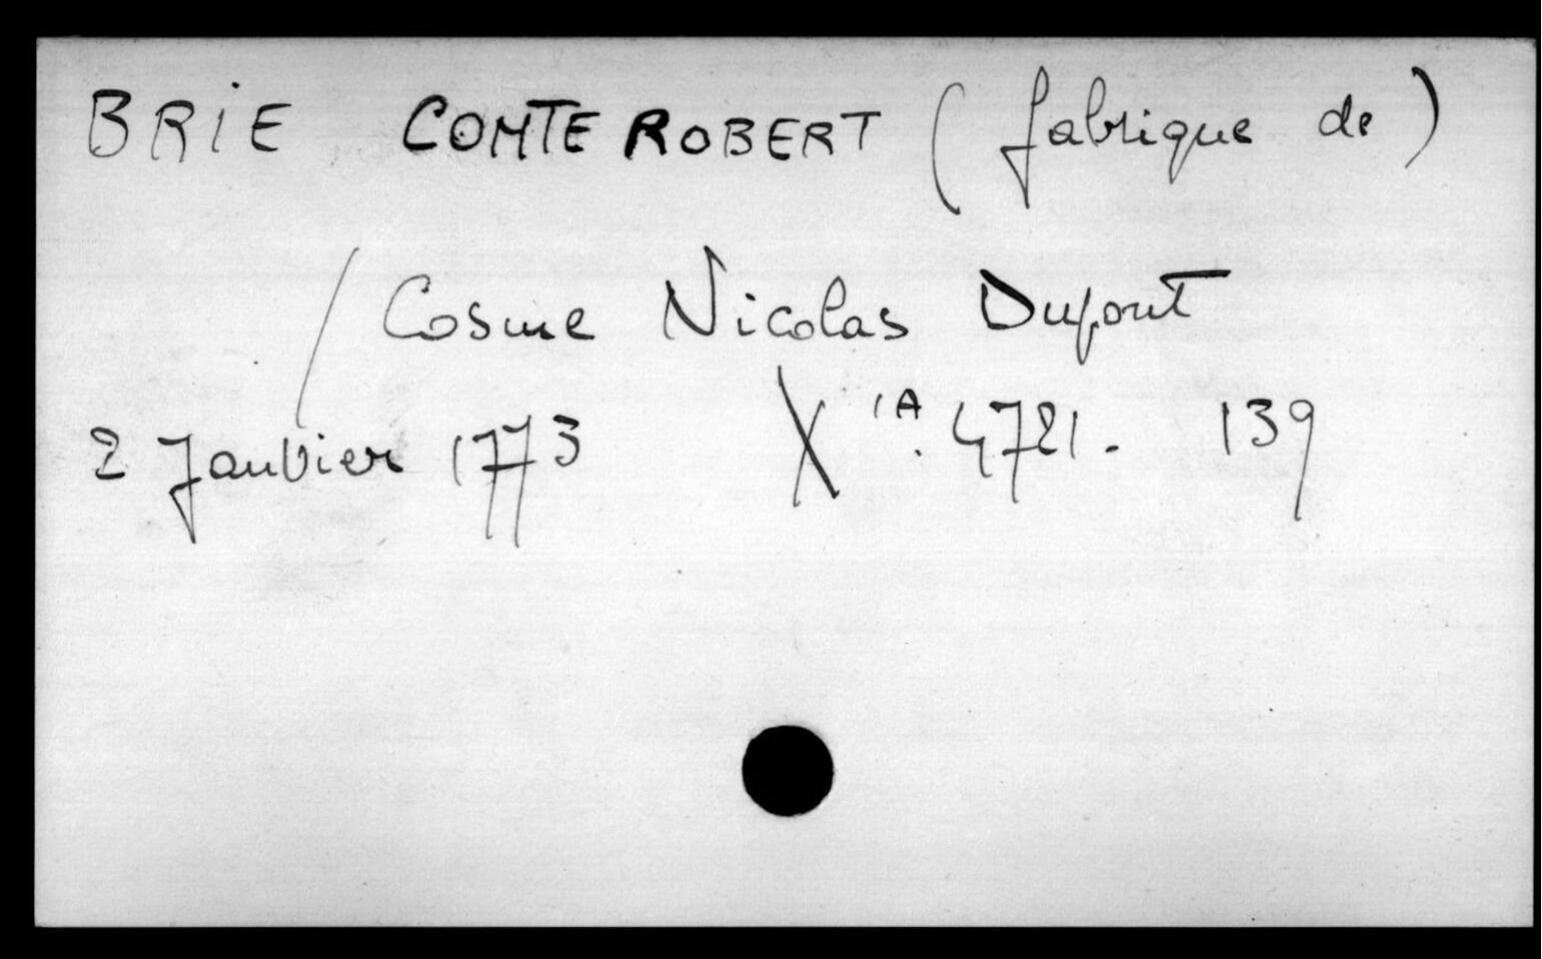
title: BRIE COMTE ROBERT (fabrique de)
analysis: Contre Cosme Nicolas Dupont
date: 2 janvier 1773
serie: X1A
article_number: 4721
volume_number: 139
